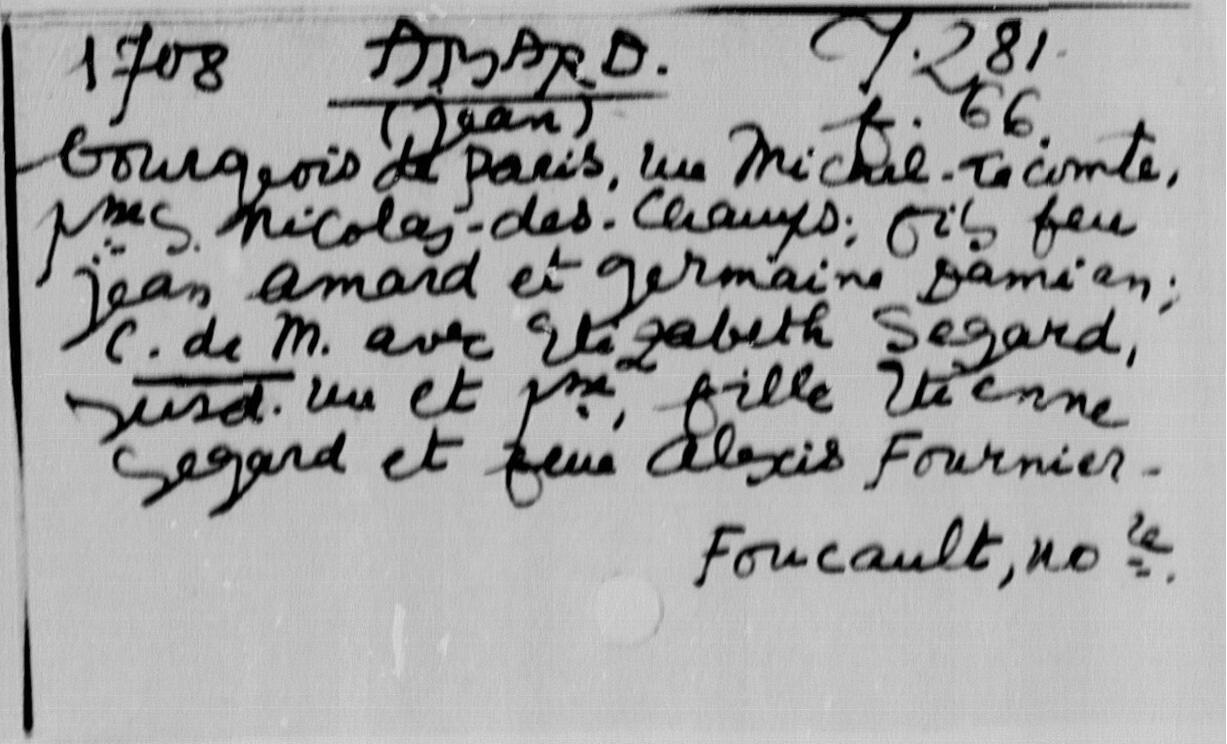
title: AMARD (Jean)
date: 1708
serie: Y
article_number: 281
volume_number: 66
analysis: Bourgeois de Paris, rue Michel-Lecomte, paroisse Saint-Nicolas-des-Champs. Fils feu Jean AMARD et Germaine DAMIEN. Contrat de mariage avec Elizabeth SEGARD, susdite rue et paroisse, fille Étienne SEGARD et feue Alexis FOURNIER. Foucault, notaire.
